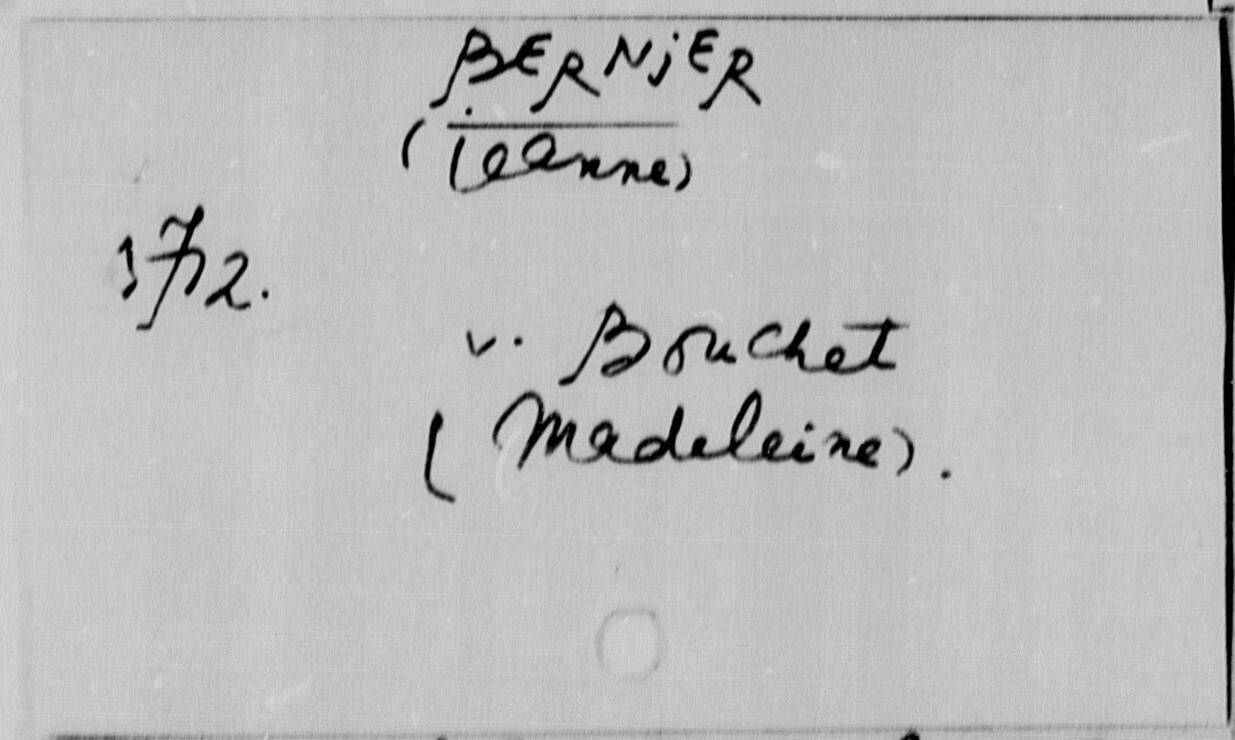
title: BERNIER (Jeanne)
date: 1712
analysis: Voir Bouchet (Madeleine)
